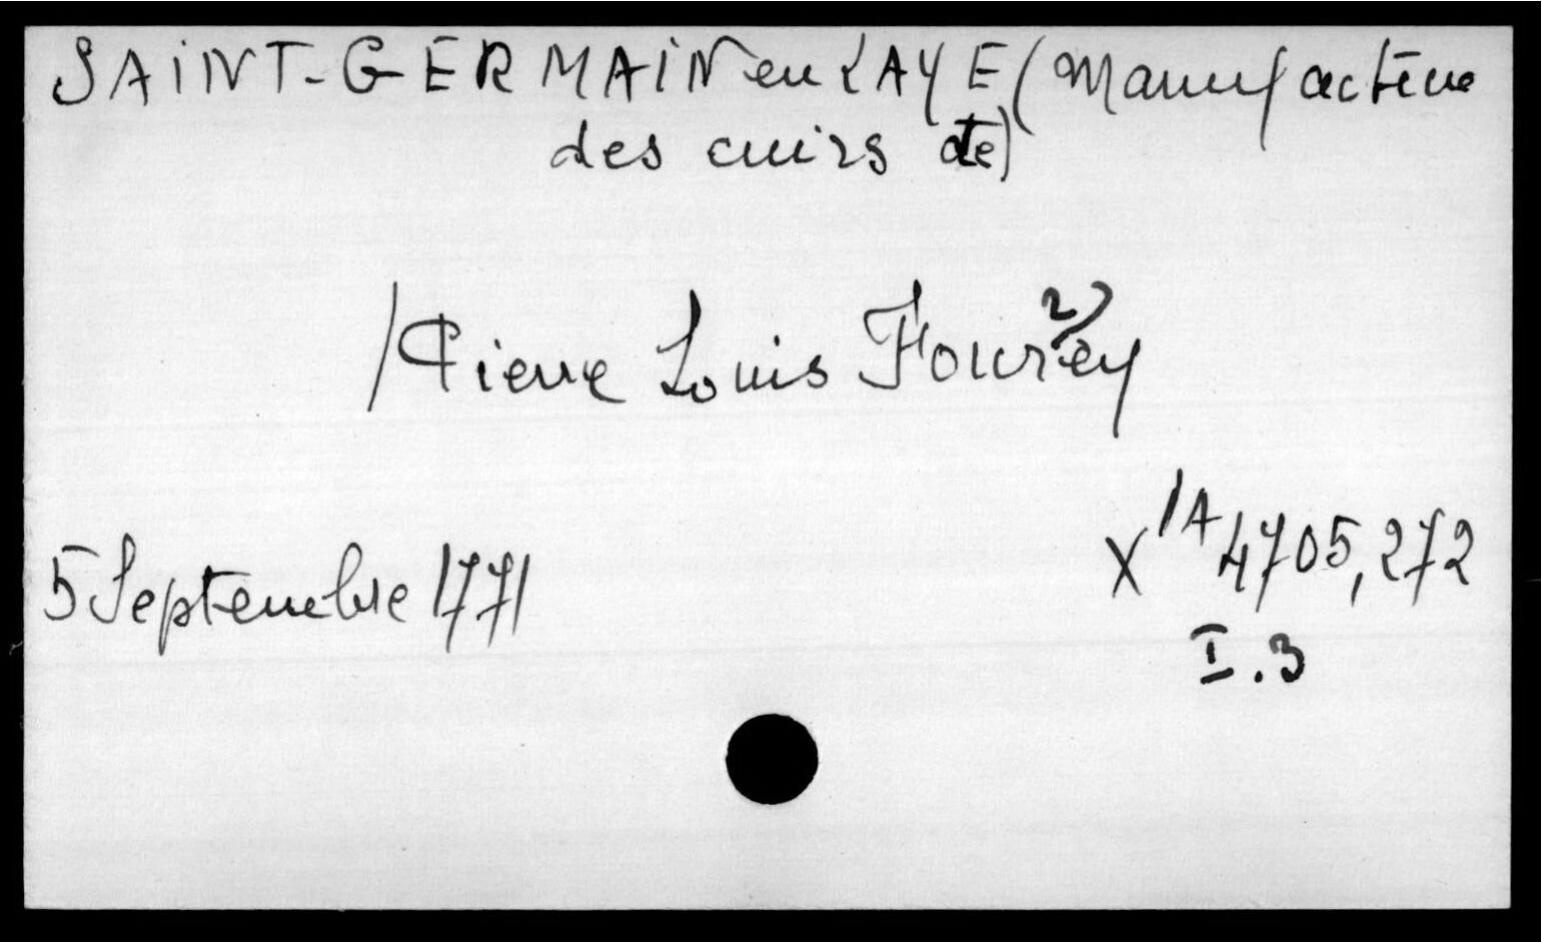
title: SAINT-GERMAIN en LAYE (Manufacture des cuirs de)
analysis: Contre Pierre Louis Fourcey
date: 5 septembre 1771
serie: X1A
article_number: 4705
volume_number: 272 Instances, 3
